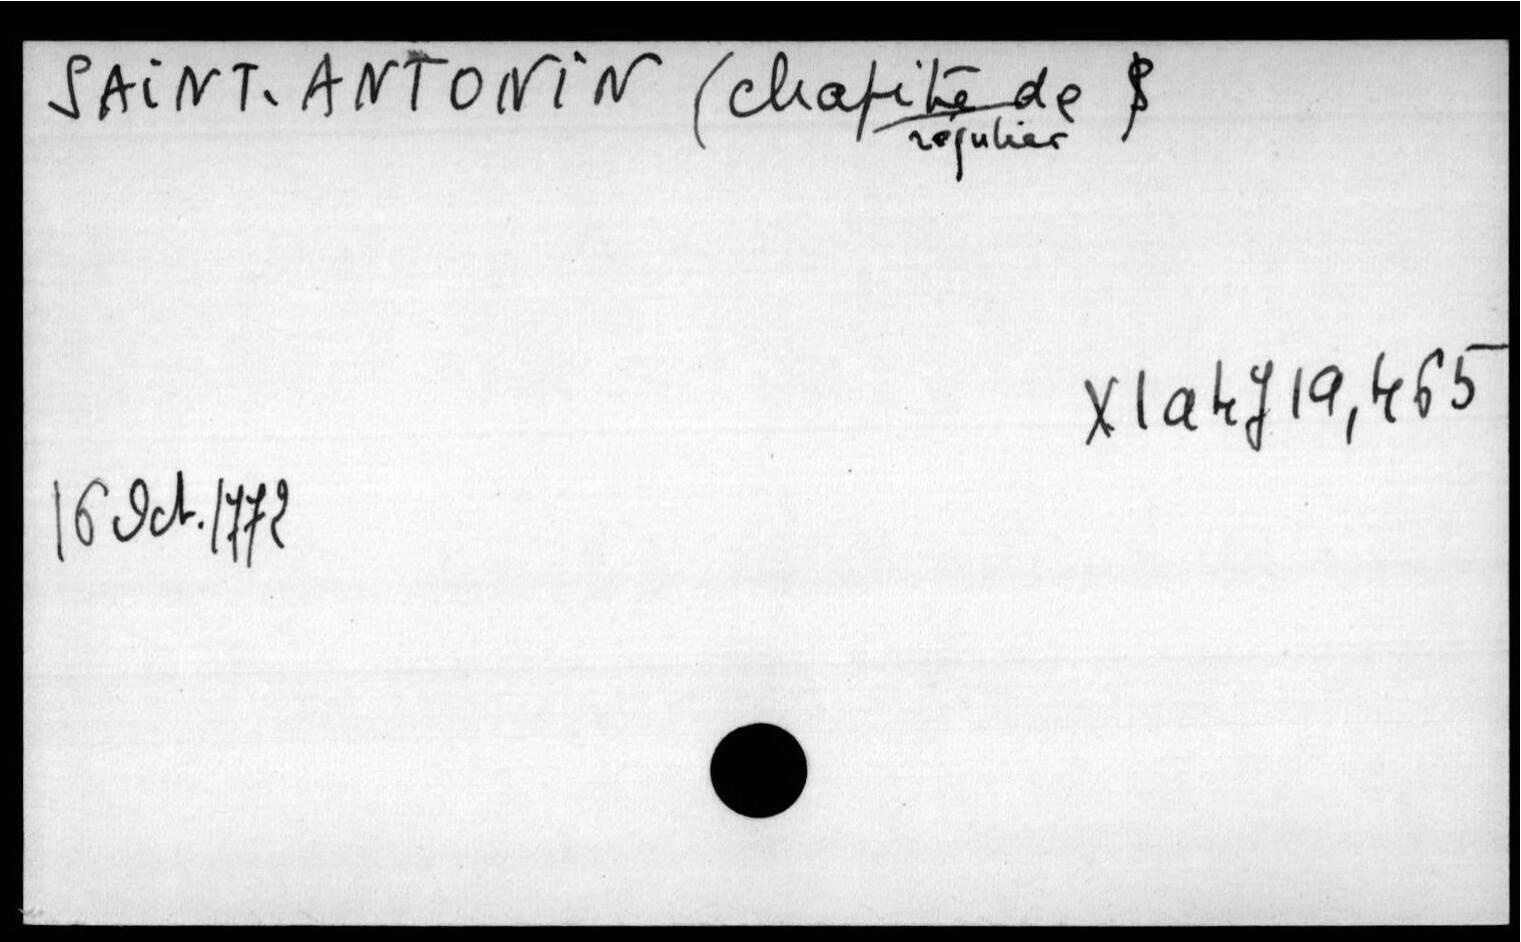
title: SAINT-ANTONIN (Chapitre de régulier)
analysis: Contre Viayy19, 465
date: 16 octobre 1772
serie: X1a
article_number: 4719
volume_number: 465
